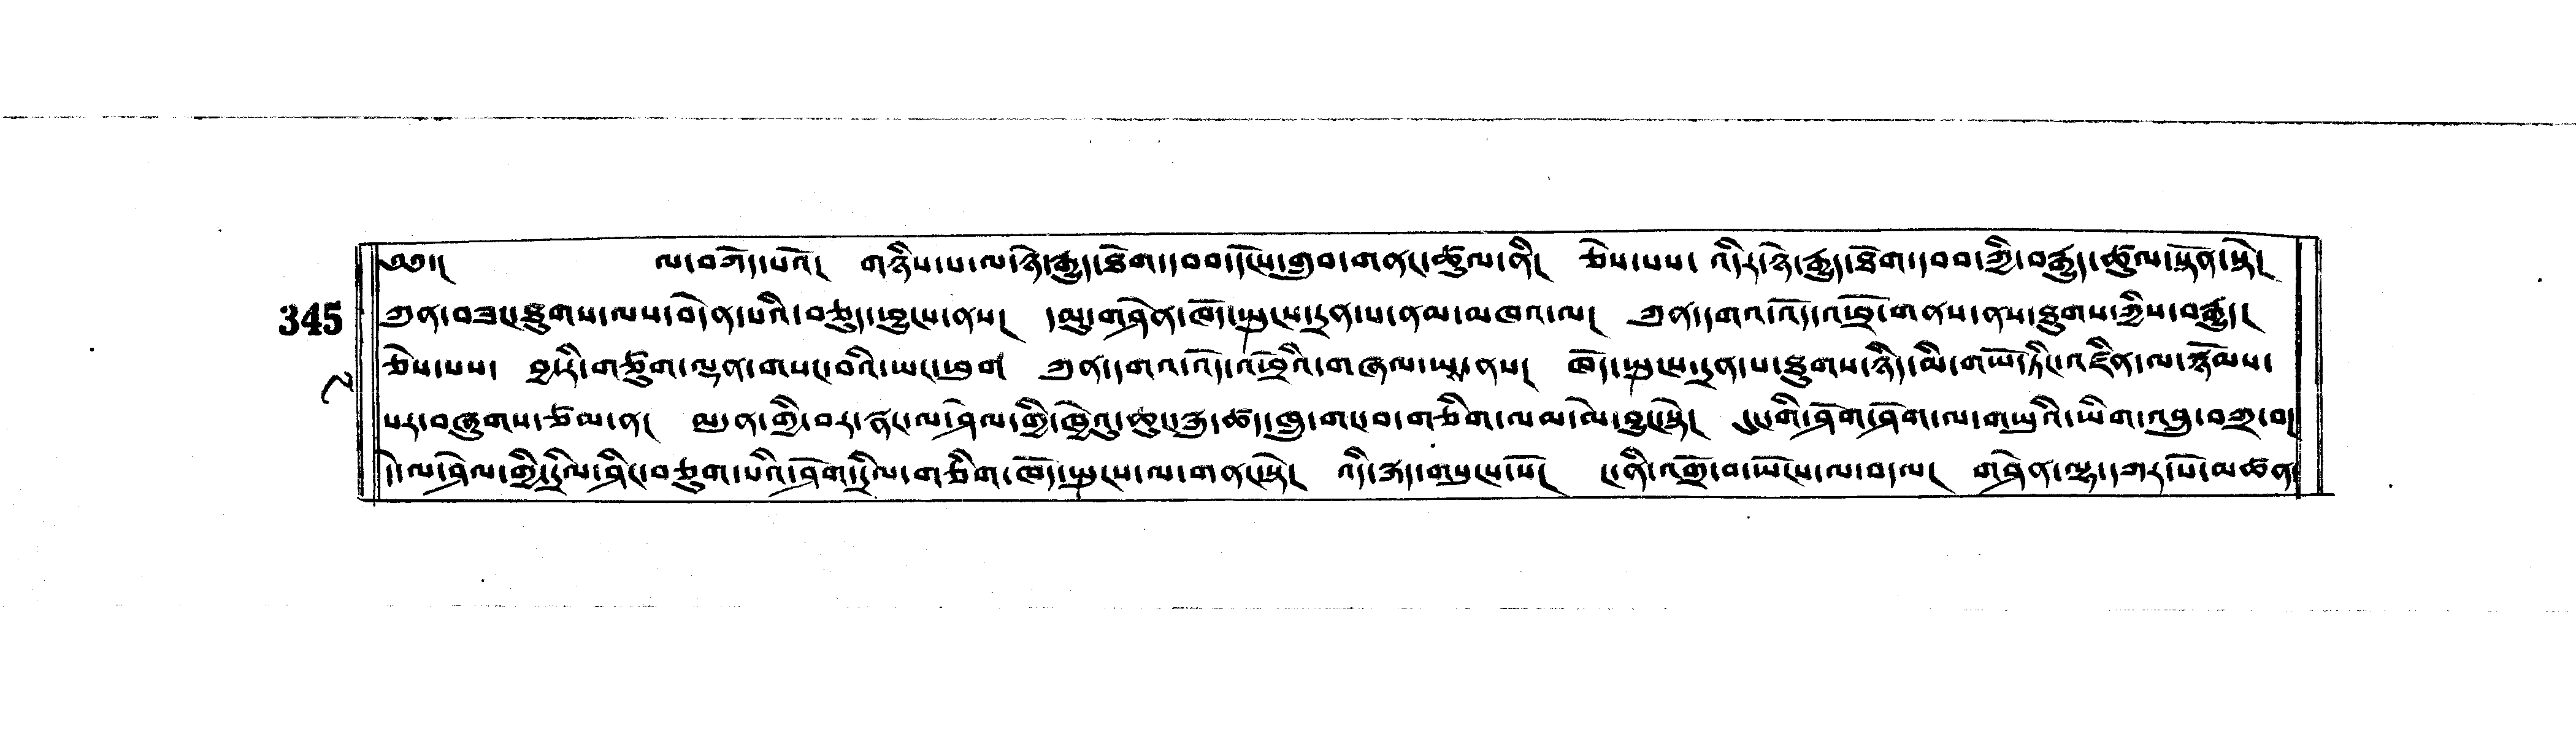ལ་བཀོད་པའོ། གཉིས་པ་ལ་ཉེ་རྒྱུད་ཐོག་དབབ་དངོས་གྲུབ་གནང་ཚུལ་ནི། ཅེས་པས། འདིར་ཉེ་རྒྱུད་ཐོག་དབབ་ཀྱི་རྒྱུད་ཚུལ་སྟོན་ཏེ། 
ཀུན་བཟང་ཐུགས་ལས་བདེན་པའི་བཅུད་ཕྱུང་ནས། དམུ་གཤེན་ཁོང་སྤུངས་དྲན་པ་ནམ་མཁའ་ལ། ཀུན་དགའ་འོད་འཕྲོ་གནས་ནས་ཐུགས་ཀྱིས་བརྒྱུད། 
ཅེས་པས། བྱ་རི་གཙུག་ལྡན་གསང་བའི་ཡང་ཕུག ཀུན་དགའ་འོད་འཕྲོའི་གཞལ་ཡས་ནས། ཁོད་སྤུངས་དྲན་པ་ཐུགས་ཉིད་མི་གཡོ་ཏིང་འཛིན་ལ་སྙོམས་
པར་བཞུགས་ཙམ་ན། མདུན་གྱི་བར་སྣང་ལ་ཤེལ་གྱི་ཁྱེའུ་ཆུང་སྐུ་ཚད་ཁྲུ་གང་བ་ཅིག་ལམ་མེ་བྱུང་སྟེ། དུང་གི་ཤོག་ཤོག་ལ་གཡུ་ཡི་ཡིག་འབྲུ་བཀྲ་བ། 
དེ་ལ་ཤེལ་གྱི་དྲིལ་ཤིང་བཅུག་པའི་ཤོག་དྲིལ་ཅིག་ཁོད་སྤུངས་ལ་གནང་སྟེ། འདི་སྐད་གསུངས་སོ། ང་ནི་འགྲོ་བ་ཡོངས་ལ་བདལ། གཤེན་ལྷ་དཀར་པོ་མཚན་